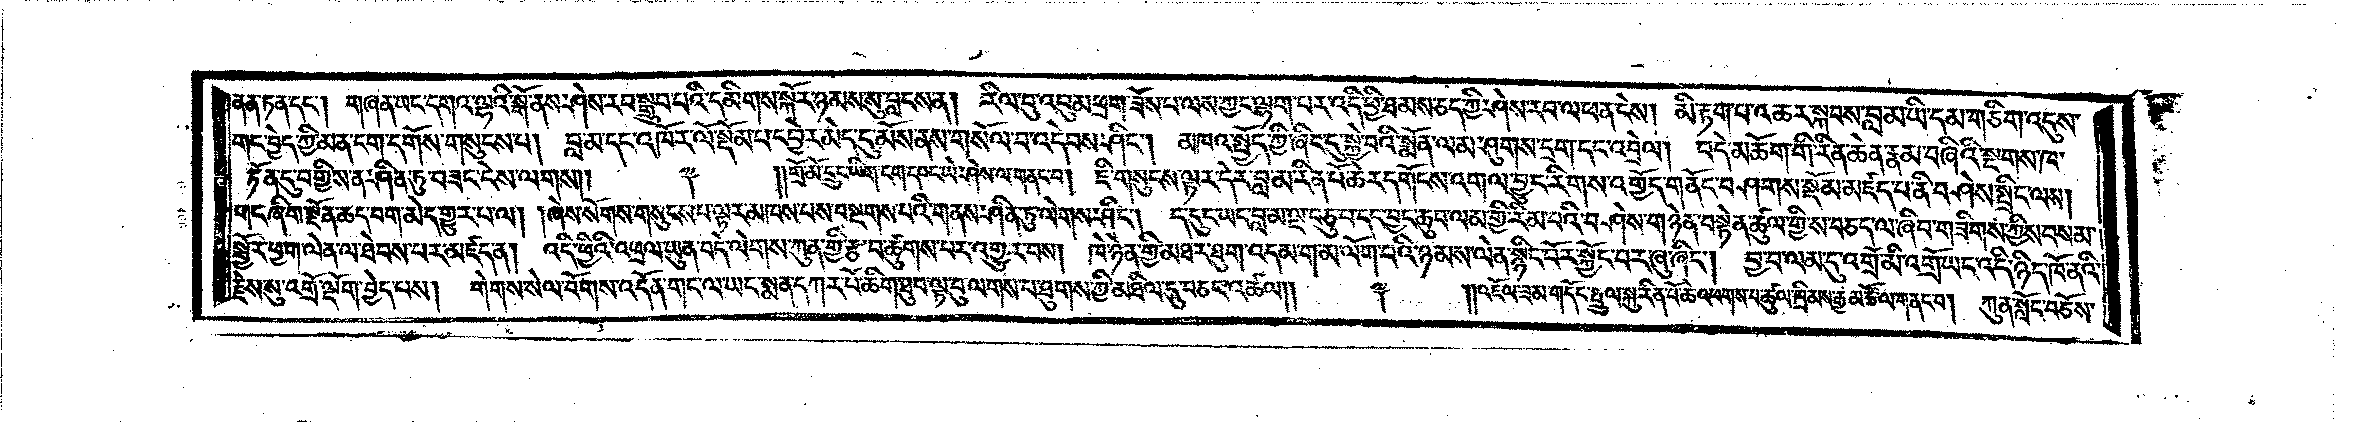ནན་ཏན་དང་། གཞན་ཡང་དགའ་ལྷའི་སྒོ་ནས་ཤེས་རབ་བསྒྲུབ་པའི་དམིགས་སྐོར་ཉམས་སུ་བླངས་ན། རིལ་བུ་འབུམ་ཕྲག་ཟོས་པ་ལས་ཀྱང་ལྷག་པར་འདི་ཕྱི་ཐམས་ཅད་ཀྱི་ཤེས་རབ་ལ་ཕན་ངེས། མི་རྟག་པ་འཆར་སྐབས་བླ་མ་ཡི་དམ་གཅིག་འདུས་
གང་བྱེད་ཀྱི་མན་ངག་དགོས་གསུངས་པ། བླ་མ་དང་འཁོར་ལོ་སྡོམ་པ་དབྱེར་མེད་དུ་མོས་ནས་གསོལ་བ་འདེབས་ཤིང་། མཁའ་སྤྱོད་ཀྱི་ཞིང་དུ་སྐྱེ་བའི་སྨོན་ལམ་ཤུགས་དྲག་དང་འབྲེལ། བདེ་མཆོག་གི་རིན་ཆེན་རྣམ་བཞིའི་སྔགས་ཁ་
ཏོན་དུ་བགྱིས་ན་ཤིན་ཏུ་བཟང་ངེས་ལགས།། ༈ །།གྲོ་མོ་དྲུང་ཡིག་ངག་དབང་ཡེ་ཤེས་ལ་གནང་བ།  ཇི་གསུངས་ལྟར་དེར་བླ་མ་རིན་པོ་ཆེར་དགོངས་འགལ་བྱུང་རིགས་འགྱོད་གནོད་བཤགས་སྡོམ་མཛད་པ་ནི་བཤེས་སྤྲིང་ལས།
གང་ཞིག་སྔོན་ཆད་བག་མེད་གྱུར་པ་ལ། །ཞེས་སོགས་གསུངས་པ་ལྟར་མཁས་པས་བསྔགས་པའི་གནས་ཤིན་ཏུ་ལེགས་ཤིང་། ད་དུང་ཡང་བླ་མ་ལྔ་བཅུ་པ་དང་བྱང་ཆུབ་ལམ་གྱི་རིམ་པའི་བཤེས་གཉེན་བསྟེན་ཚུལ་གྱི་ས་བཅད་ལ་ཞིབ་གཟིགས་ཀྱིས་བསམ་
སྦྱོར་ཕྱག་ལེན་ལ་ཐེབས་པར་མཛད་ན། འདི་ཕྱིའི་འཕྲལ་ཡུན་བདེ་ལེགས་ཀུན་གྱི་རྩ་བ་ཚུགས་པར་འགྱུར་བས། ཁེ་ཉེན་གྱི་མཐར་ཐུག་འདམ་ག་མ་ལ་ལོག་པའི་ཉམས་ལེན་སྙིང་པོར་སྐྱོང་བར་ཞུ་ཞིང་། བྱ་བ་ལམ་དུ་འགྲོ་མི་འགྲོ་ཡང་འདི་ཉིད་ཁོ་ནའི་
རྗེས་སུ་འགྲོ་ལྡོག་བྱེད་པས། གེགས་སེལ་བོགས་འདོན་གང་ལ་ཡང་སྨན་དཀར་པོ་ཆིག་ཐུབ་ལྟ་བུ་ལགས་པ་ཐུགས་ཀྱི་མཐིལ་དུ་བཅང་འཚལ།། ༈ །།འཇོལ་ཟམ་གདོང་སྤྲུལ་སྐུ་རིན་པོ་ཆེ་འཕགས་པ་ཚུལ་ཁྲིམས་རྒྱ་མཚོ་ལ་གནང་བ།  ཀུན་སློང་བཅོས་